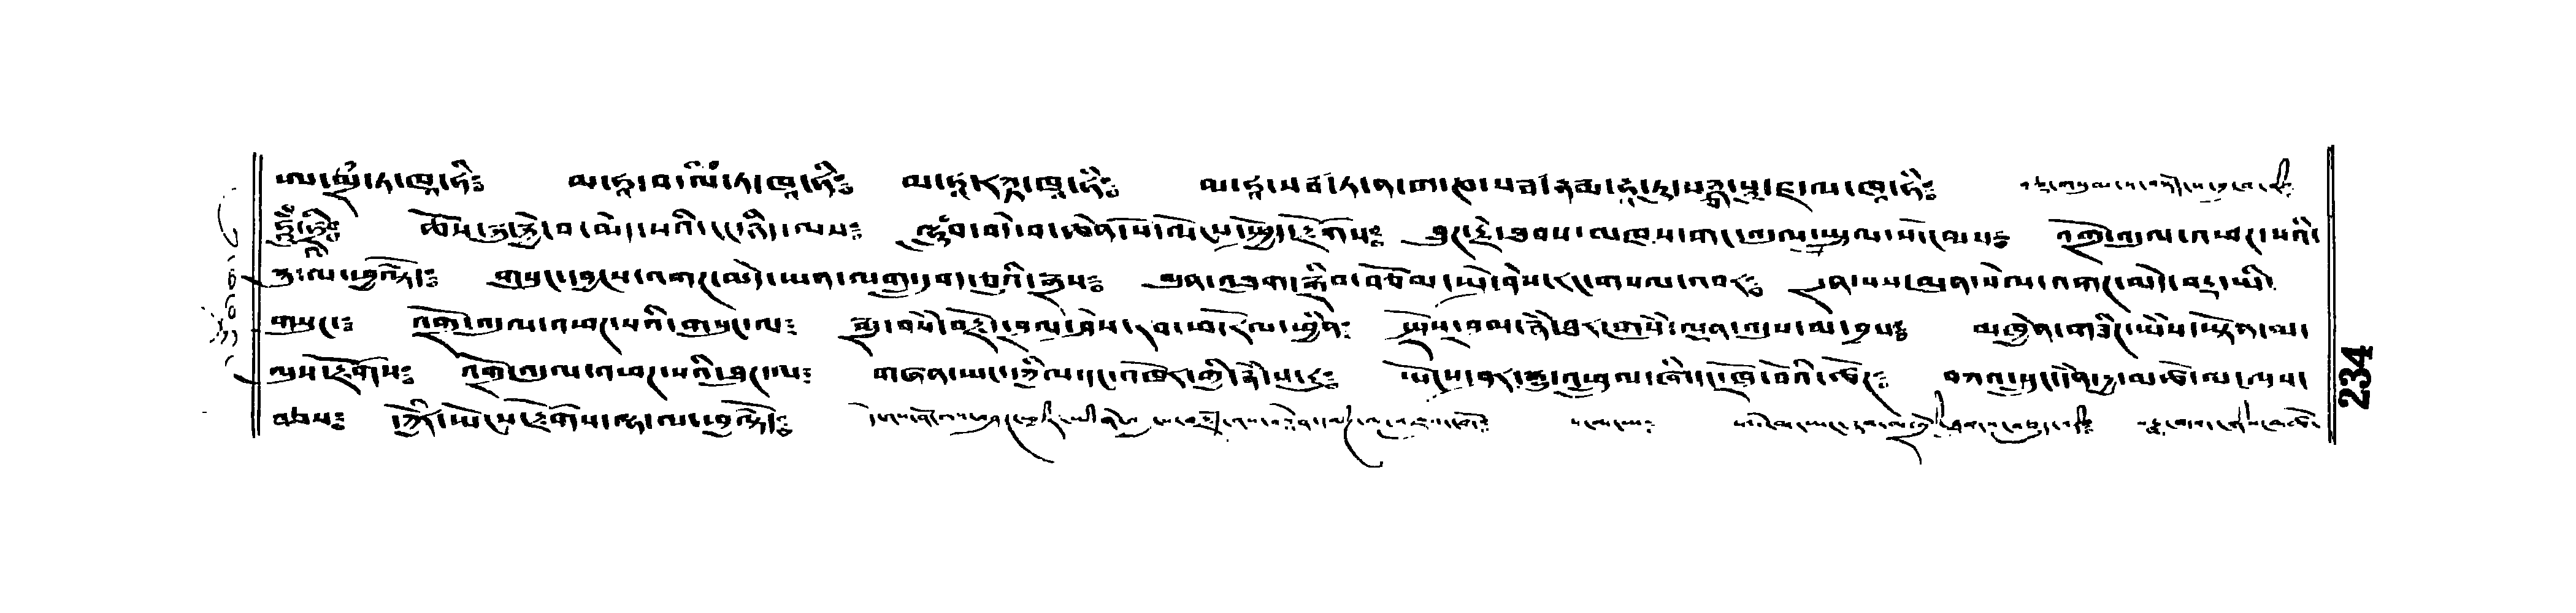ཨ་མྲྀ་ཏ་ཁཱ་ཧིཿ མ་ཧཱ་བ་ལིཾ་ཏ་ཁཱ་ཧིཿ མ་ཧཱ་རཀྟ་ཁཱ་ཧིཿ མ་ཧཱ་སརྦ་ཏ་ན་ག་ཎ་སརྦ་དྷརྨ་དྷཱ་ཏུ་པཉྩ་པཱུ་ཛ་ལ་ཁཱ་ཧིཿ བཅུ་གསུམ་པ་བསྟོད་པ་བྱ་བ་ནི༔ 
ཧཱུྃ་ཧྲཱིཿ ཆོས་སྐུ་སྐྱེ་བ་མེད་པའི་ངང་ཉིས་ལས༔ ལྷུན་གྲུབ་བདེ་བ་ཆེན་པོ་ལོངས་སྤྱོད་རྫོགས༔ ཐུགས་རྗེ་ཐབས་མཁས་གང་འདུལ་སྤྲུལ་པ་ངོམ༔ འགྲོ་འདུལ་འཕགས་པའི་
སྐུ་ལ་ཕྱག་འཚལ་བསྟོད༔ གསུང་དབྱངས་འགག་མེད་ཡན་ལག་དྲུག་ཅུའི་སྒྲས༔ མུན་འཐུག་སྒྲིབ་བཅོམ་ཡེ་ཤེས་རང་གསལ་འབར༔ དྲན་པས་མུན་སེལ་འགག་མེད་བརྡ་ཡི་
གསུང༔ འགྲོ་འདུལ་འཕགས་པའི་གསུང་ལ༴ སྨྲ་བསམ་བརྗོད་བྲལ་ཤེས་རབ་ཕ་རོལ་ཕྱིན༔སྤྲོས་བྲལ་རྣམ་ཐར་གསུམ་ལྡན་འདུས་མ་བྱས༔ མཁྱེན་གཟིགས་ཡེ་ཤེས་ཡོན་ཏན་མ་
ལུས་རྫོགས༔ འགྲོ་འདུལ་འཕགས་པའི་ཐུགས་ལ༴ གཞན་ཡང་དཀྱིལ་དང་འཁོར་གྱི་རྣམ་པ་རུ༔ ཡོངས་ཤར་སྒྱུ་འཕྲུལ་ཞི་དང་ཁྲོ་བོའི་ཚོགས༔ བཀའ་སྲུང་དམ་ཅན་རྒྱ་མཚོ་མ་ལུས་
བཅས༔ དཀྱིལ་འཁོར་ཡོངས་རྫོགས་ལྷ་ལ་ཕྱག་འཚལ་བསྟོད༔ དེ་ནས་ནོངས་པ་བཤགས་ཕྱིར་ཡི་གེ་བརྒྱ་པ་བརྗོད་ནས་བསྙེན་དམིགས་ལ་འཇུག་གོ༔ ས་མ་ཡ༔ ཨེ་མ་ཡང་ཟབ་མཁའ་འགྲོའྀ་ཐུགས་བཅུད་འདི༔ པདྨ་བདག་གིས་མཚོ་